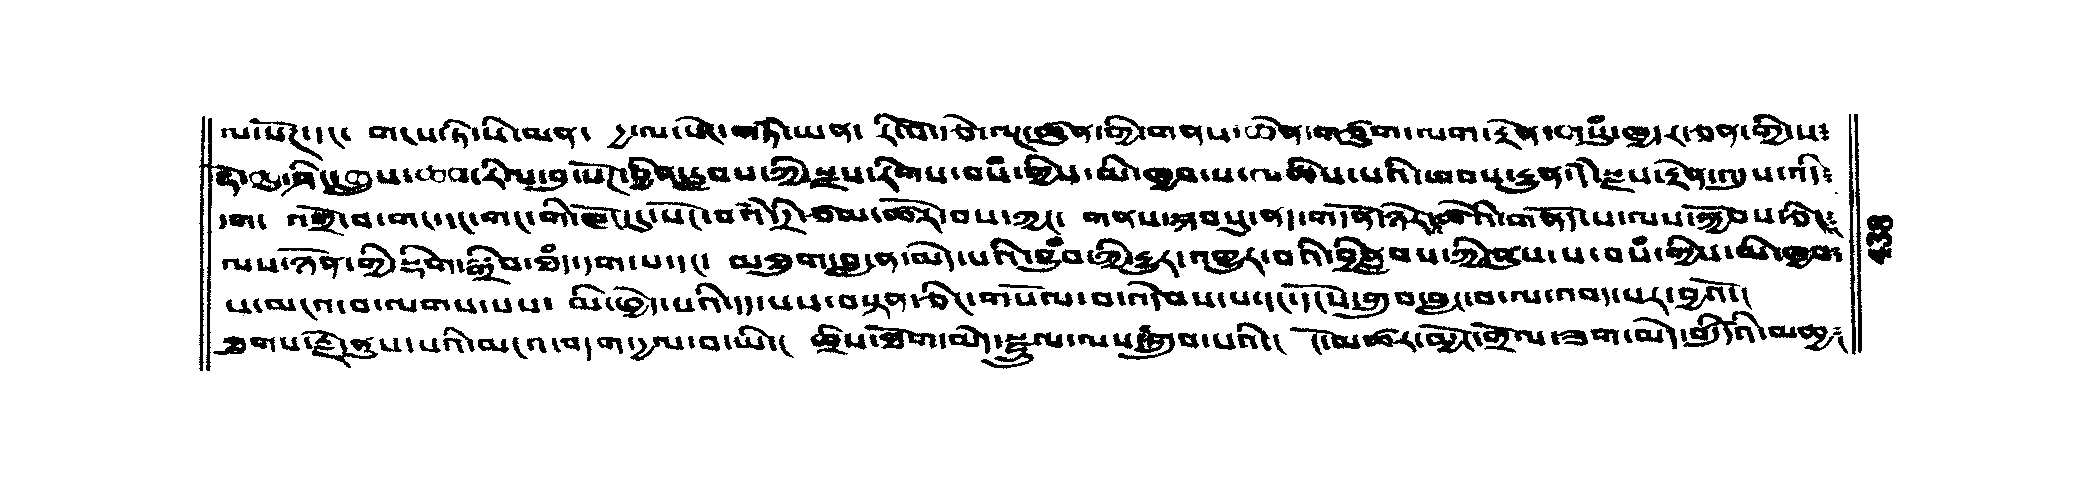ལ་སོགས་དང་། གངས་ཏི་སེ་མན། རྒྱ་ལ་སེང་གཏམ་ཡན། རི་བོ་རྩེ་ལྔ་ཚུན་གྱི་གནས་ཆེན་གཙུག་ལག་རྟེན་གསུམ་ཁྱད་པར་ཅན་གྱི་ས་
རྡོ་ཆུ་ཤིང་ཁྲུས་ཆབ་རིལ་བུ་སོགས་བྱིན་རླབས་ཀྱི་རྫས་རིགས་བསམ་གྱིས་མི་ཁྱབ་པ་མཆིས་པའི་ཕབས་རྒྱུན་དམ་རྫས་རྟེན་འདུས་འདི་
དག་ འགྲོ་བ་གང་དང་གང་གི་ཁོང་དུ་སོང་བའམ་དྲི་ཙམ་ཚོར་བས་ཀྱང་། གནས་སྐབས་སུ་ནད་གདོན་ཉེར་འཚེའི་གནོད་པ་ལས་སྐྱོབས་ཤིང་
ལས་ཉོན་གྱི་སྡིག་སྒྲིབ་ཐམས་ཅད་དག་པ་དང་། མཐར་ཐུག་བླ་ན་མེད་པའི་བྱང་ཆུབ་ཀྱི་རྒྱུར་འགྱུར་བའི་བྱིན་རླབས་ཀྱི་ནུས་པ་བསམ་གྱིས་མི་ཁྱབ་
པ་མངའ་བ་ལགས་པས། མི་ཕྱེད་པའི་དད་པས་བསྟན་ཅིང་གསོལ་བ་འདེབས་པ་དང་དངོས་གྲུབ་བླང་བ་ལ་འབད་པར་བྱའོ། 
ཐུགས་རྗེ་ནུས་པའི་མངའ་བདག་རྒྱལ་བ་ཡི། །ཕྲིན་ལས་ཐོགས་མེད་རྫུ་འཕྲུལ་ལས་འགྲུབ་པའི། །ངོ་མཚར་མྱོང་གྲོལ་ཟག་མེད་བདུད་རྩིའི་མཆོག །